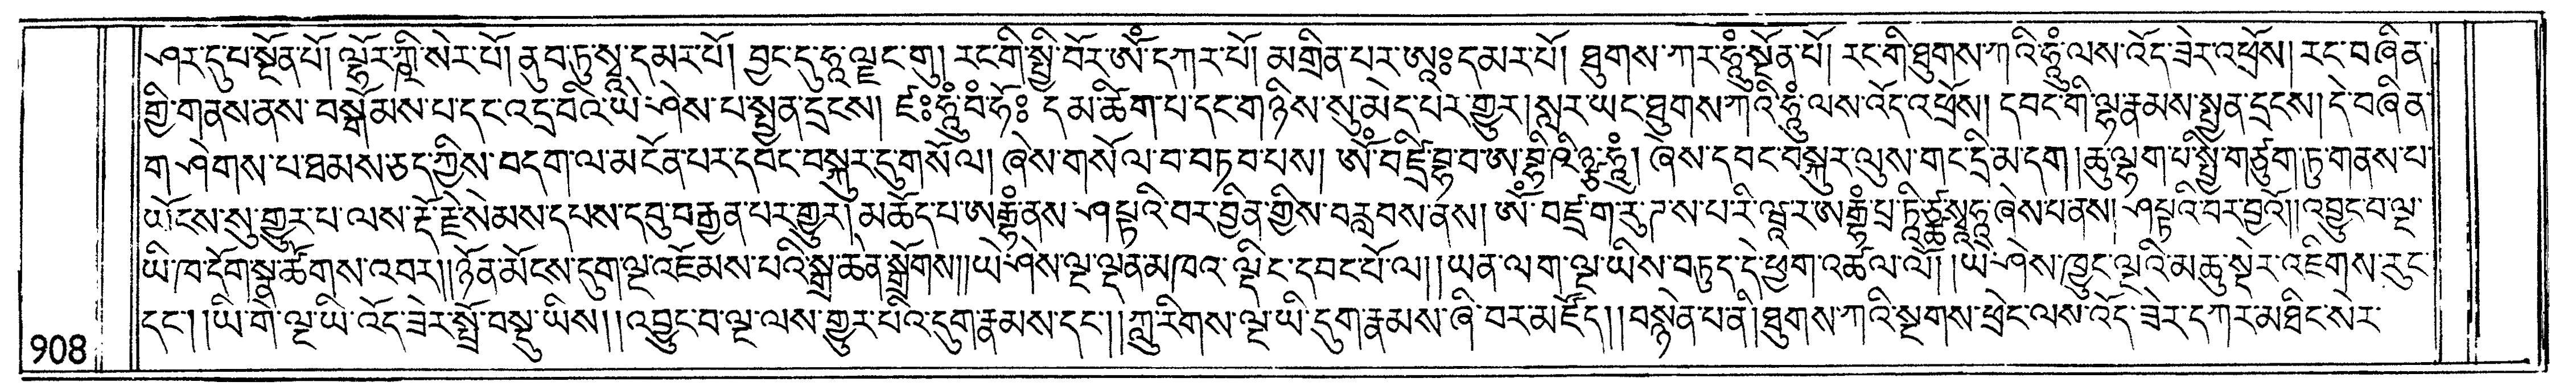ཤར་དུ་པ་སྔོན་པོ། ལྷོར་ཀྵི་སེར་པོ། ནུབ་ཏུ་སྭཱ་དམར་པོ། བྱང་དུ་ཧཱ་ལྗང་གུ །རང་གི་སྤྱི་བོར་ཨོཾ་དཀར་པོ། མགྲིན་པར་ཨཱཿ དམར་པོ། ཐུགས་ཀར་ཧཱུཾ་སྔོན་པོ། རང་གི་ཐུགས་ཀའི་ཧཱུཾ་ལས་འོད་ཟེར་འཕྲོས། རང་བཞིན་
གྱི་གནས་ནས་བསྒོམས་པ་དང་འདྲ་བའི་ཡེ་ཤེས་པ་སྤྱན་དྲངས། ཛཿ ཧཱུཾ་བཾ་ཧོཿ དམ་ཚིག་པ་དང་གཉིས་སུ་མེད་པར་གྱུར། སླར་ཡང་ཐུགས་ཀའི་ཧཱུཾ་ལས་འོད་འཕྲོས། དབང་གི་ལྷ་རྣམས་སྤྱན་དྲངས། དེ་བཞིན་
གཤེགས་པ་ཐམས་ཅད་ཀྱིས་བདག་ལ་མངོན་པར་དབང་བསྐུར་དུ་གསོལ། ཞེས་གསོལ་བ་བཏབ་པས། ཨོཾ་བཛྲི་བྷ་བ་ཨ་བྷི་ཥི་ཉྩ་ཧཱུཾ། ཞེས་དབང་བསྐུར་ལུས་གང་དྲི་མ་དག །ཆུ་ལྷག་པ་སྤྱི་གཙུག་ཏུ་གནས་པ་
ཡོངས་སུ་གྱུར་པ་ལས་རྡོ་རྗེ་སེམས་དཔས་དབུ་བརྒྱན་པར་གྱུར། མཆོད་པ་ཨརྒྷཾ་ནས་ཤཔྟའི་བར་བྱིན་གྱིས་བརླབས་ནས། ཨོཾ་བཛྲ་ག་རུ་ཌ་ས་པ་རི་ཝཱ་ར་ཨརྒྷཾ་པྲ་ཏཱི་ཙྪ་སྭཱཧཱ་ཞེས་པ་ནས། ཤཔྟའི་བར་བྱའོ། །འབྱུང་བ་ལྔ་
ཡི་ཁ་དོག་སྣ་ཚོགས་འབར། །ཉོན་མོངས་དུག་ལྔ་འཇོམས་པའི་སྒྲ་ཆེན་སྒྲོགས། །ཡེ་ཤེས་ལྔ་ལྡན་མཁའ་ལྡིང་དབང་པོ་ལ། །ཡན་ལག་ལྔ་ཡིས་བཏུད་དེ་ཕྱག་འཚལ་ལོ། །ཡེ་ཤེས་ཁྱུང་ལྔའི་མཆུ་སྡེར་འཇིགས་རུང་
དང་། །ཡི་གེ་ལྔ་ཡི་འོད་ཟེར་སྤྲོ་བསྡུ་ཡིས། །འབྱུང་བ་ལྔ་ལས་གྱུར་པའི་དུག་རྣམས་དང་། །ཀླུ་རིགས་ལྔ་ཡི་དུག་རྣམས་ཞི་བར་མཛོད། །བསྙེན་པ་ནི། ཐུགས་ཀའི་སྔགས་ཕྲེང་ལས་འོད་ཟེར་དཀར་མཐིང་སེར་